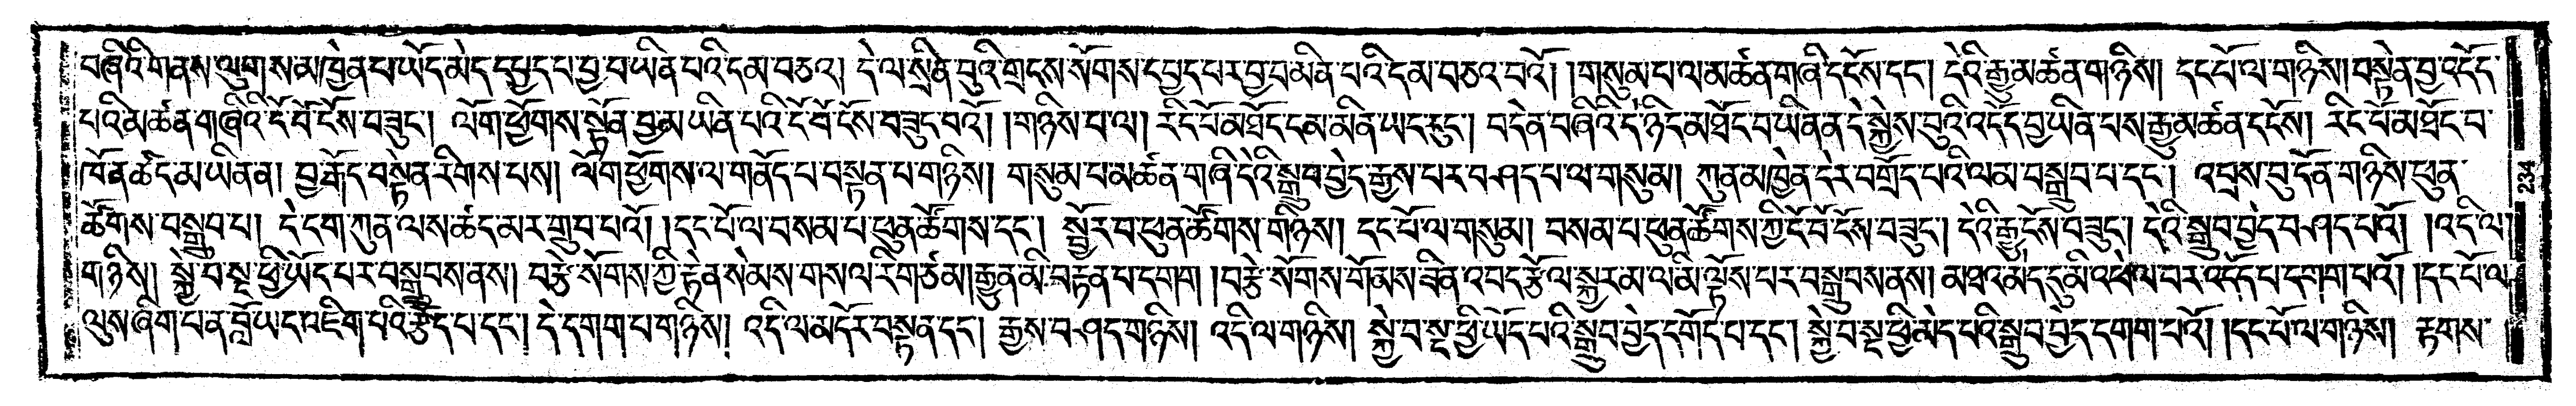བཞིའི་གནས་ལུགས་མཁྱེན་པ་ཡོད་མེད་དཔྱད་པ་བྱ་བ་ཡིན་པའི་དམ་བཅའ། དེ་ལ་སྲིན་བུའི་གྲངས་སོགས་དཔྱད་པར་བྱ་བ་མིན་པའི་དམ་བཅའ་བའོ། །གསུམ་པ་ལ་མཚན་གཞི་དངོས་དང་། དེའི་རྒྱུ་མཚན་གཉིས། དང་པོ་ལ་གཉིས། བསྟེན་བྱ་འདོད་
པའི་མཚན་གཞིའི་ངོ་བོ་ངོས་བཟུང་། ལོག་ཕྱོགས་སྟོན་བྱ་མ་ཡིན་པའི་ངོ་བོ་ངོས་བཟུང་བའོ། །གཉིས་པ་ལ། རིང་པོ་མཐོང་དམ་མིན་ཡང་རུང་། བདེན་བཞིའི་དེ་ཉིད་མཐོང་བ་ཡིན་ན་དེ་སྐྱེས་བུའི་འདོད་བྱ་ཡིན་པས་རྒྱུ་མཚན་དངོས། རིང་པོ་མཐོང་བ་
ཁོ་ན་ཚད་མ་ཡིན་ན། བྱ་རྒོད་བསྟེན་རིགས་པས། ལོག་ཕྱོགས་ལ་གནོད་པ་བསྟན་པ་གཉིས། གསུམ་པ་མཚན་གཞི་དེའི་སྒྲུབ་བྱེད་རྒྱས་པར་བཤད་པ་ལ་གསུམ། ཀུན་མཁྱེན་དེར་བགྲོད་པའི་ལམ་བསྒྲུབ་པ་དང་། འབྲས་བུ་དོན་གཉིས་ཕུན་
ཚོགས་བསྒྲུབ་པ། དེ་དག་ཀུན་ལས་ཚད་མར་གྲུབ་པའོ། །དང་པོ་ལ་བསམ་པ་ཕུན་ཚོགས་དང་། སྦྱོར་བ་ཕུན་ཚོགས་གཉིས། དང་པོ་ལ་གསུམ། བསམ་པ་ཕུན་ཚོགས་ཀྱི་ངོ་བོ་ངོས་བཟུང་། དེའི་རྒྱུ་ངོས་བཟུང་། དེའི་སྒྲུབ་བྱེད་བཤད་པའོ། །འདི་ལ་
གཉིས། སྐྱེ་བ་ང་ཕྱི་ཡོད་པར་བསྒྲུབས་ནས། བརྩེ་སོགས་ཀྱི་རྟེན་སེམས་གསལ་རིག་ཙམ། རྒྱུན་མི་བརྟན་པ་དགག །བརྩེ་སོགས་གོམས་ཟིན་འབད་རྩོལ་སྐྱར་མ་ལ་མི་ལྟོས་པར་བསྒྲུབས་ནས། མཐའ་མེད་དུ་མི་འཕེལ་བར་འདོད་པ་དགག་པའོ། །དང་པོ་ལ་
ལུས་ཞིག་པ་ན་བློ་ཡང་འཇིག་པའི་རྩོད་པ་དང་། དེ་དགག་པ་གཉིས། འདི་ལ་མདོར་བསྟན་དང་། རྒྱས་བཤད་གཉིས། འདི་ལ་གཉིས། སྐྱེ་བ་སྔ་ཕྱི་ཡོད་པའི་སྒྲུབ་བྱེད་དགོད་པ་དང་། སྐྱེ་བ་སྔ་ཕྱི་མེད་པའི་སྒྲུབ་བྱེད་དགག་པའོ། །དང་པོ་ལ་གཉིས། རྟགས་